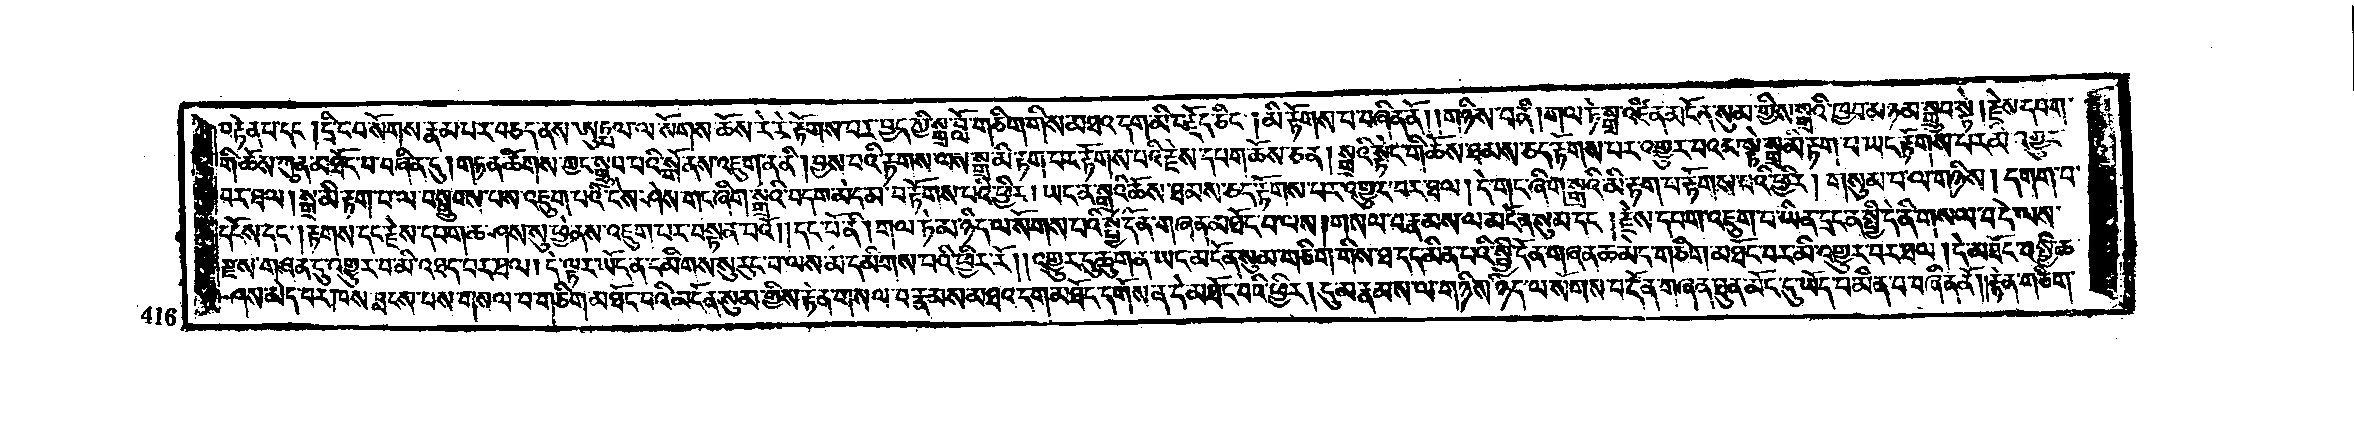བརྟེན་པ་དང་། དྲི་བ་སོགས་རྣམ་པར་བཅད་ནས་ཨུཏྤལ་ལ་སོགས་ཆོས་རེ་རེ་རྟོགས་པར་བྱད་ཀྱི་སྒྲ་བློ་གཅིག་གིས་མཐའ་དག་མི་བརྗོད་ཅིང་། མི་རྟོགས་པ་བཞིན་ནོ། །གཉིས་པ་ནི་གལ་ཏེ་སྒྲ་འཛིན་མངོན་སུམ་གྱིས་སྒྲའི་ཁྱབ་མཉམ་སྒྲུབ་སྟེ། རྗེས་དཔག་
གི་ཆོས་ཀུན་མཐོང་བ་བཞིན་དུ། གཏན་ཚིགས་ཀྱང་སྒྲུབ་པའི་སྒོ་ནས་འཇུག་ན་ནི། བྱས་པའི་རྟགས་ལས་སྒྲ་མི་རྟག་པར་རྟོགས་པའི་རྗེས་དཔག་ཆོས་ཅན། སྒྲའི་སྟེང་གི་ཆོས་ཐམས་ཅད་རྟོག་པར་འགྱུར་བའམ་སྟེ་སྒྲ་མི་རྟག་པ་ཡང་རྟོགས་པར་མི་འགྱུར་
པར་ཐལ། སྒྲ་མི་རྟག་པ་ལ་བསྒྲུབས་པས་འཇུག་པའི་ངེས་ཤེས་གང་ཞིག་སྒྲའི་བདག་མེད་མ་བ་རྟོགས་པའི་ཕྱིར་ཡང་ན་སྒྲའི་ཆོས་ཐམས་ཅད་རྟོགས་པར་འགྱུར་བར་ཐལ། དེ་གང་ཞིག་སྒྲའི་མི་རྟག་པ་རྟོགས་པའི་ཕྱིར། གསུམ་པ་ལ་གཉིས། དགག་པ་
དངོས་དང་། རྟགས་དང་རྗེས་དཔག་ཆ་ཤས་སུ་ཕྱེ་ནས་འཇུག་པར་བསྟན་པའོ། །དང་པོ་ནི། གལ་ཏེ་མ་ཉིད་ལ་སོགས་པའི་སྤྱི་དོན་གཞན་མཐོང་བ་ལས། གསལ་བ་རྣམས་ལ་མངོན་སུམ་དང་། རྗེས་དཔག་འཇུག་པ་ཡིན་དྲང་ན་སྤྱི་དེ་ནི་གསལ་བ་དེ་ལས་
རྫས་གཞན་དུ་འགྱུར་བ་མི་འཐད་པར་ཐལ། དེ་ལྟར་ཡོད་ན་དམིགས་སུ་རུང་བ་ལས་མི་དམིགས་པའི་ཕྱིར་རོ། །འགྱུར་དུ་ཆུག་ན་ཡང་མངོན་སུམ་གཅིག་གིས་ཐ་དད་མིན་པའི་སྤྱི་དོན་གཞན་ཆ་མེད་གཅིག་མཐོང་བར་མི་འགྱུར་བར་ཐལ། དེ་མཐོང་བ་སྤྱི་ཆ་
ཤས་མེད་པར་ཁས་བླངས་པས་གསལ་བ་གཅིག་མཐོང་བའི་མངོན་སུམ་གྱིས་རྟེན་གསལ་བ་རྣམས་མཐའ་དག་དགོས་ན་དེ་མཐོང་བའི་ཕྱིར། དུ་མ་རྣམས་ལ་གཉིས་ཉིད་ལ་སོགས་པ་དོན་གཞན་ཐུན་མོང་དུ་ཡོད་པ་མིན་པ་བཞིན་ནོ། །རྟེན་གཅིག་